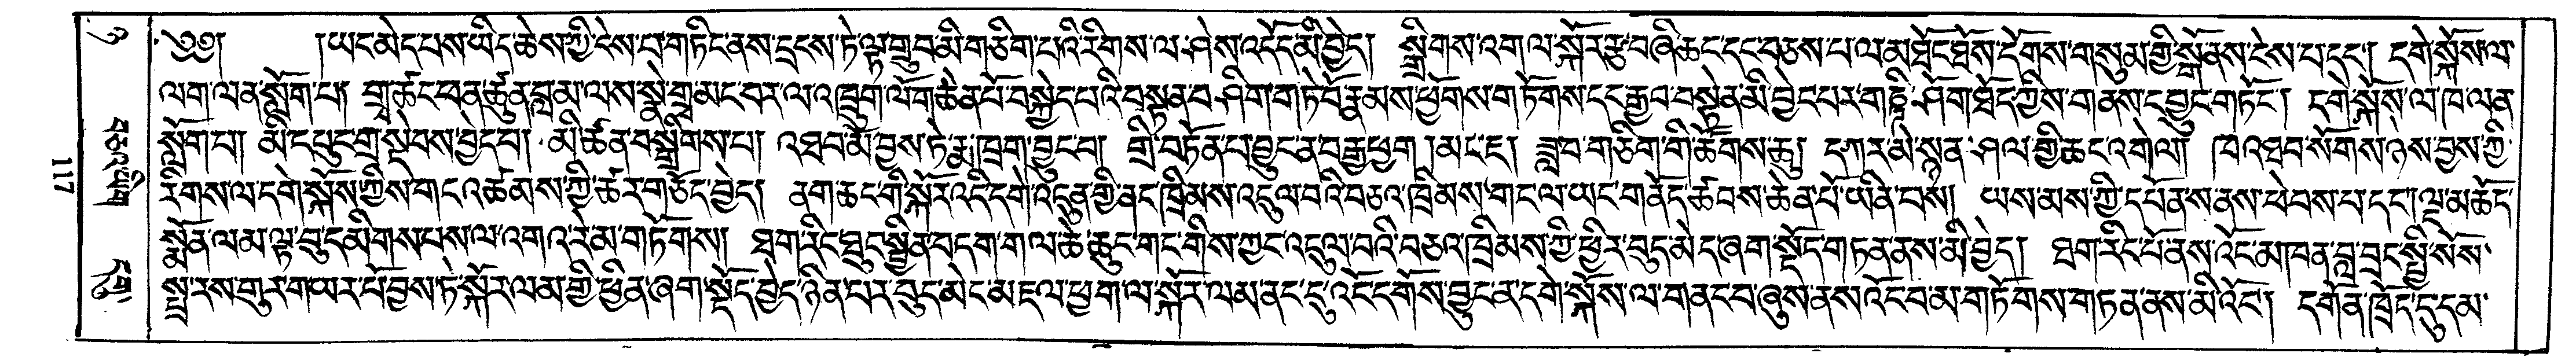༄༅། །ཡང་མེད་པས་ཡིད་ཆེས་ཀྱི་ངེས་པ་གཏིང་ནས་དྲངས་ཏེ་ལྟ་གྲུབ་མི་གཅིག་པའི་རིགས་ལ་ཤེས་འདོད་མི་བྱེད། སྒྲིགས་འགལ་སྐོར་རྩ་བཞི་ཆང་དང་བཅས་པ་ལ་མཐོང་ཐོས་དོགས་གསུམ་གྱི་སྒོ་ནས་ངེས་པ་དང་། དགེ་སྐོས་ལ་
ལག་ལན་སློག་པ། གྲྭ་ཚང་ཕན་ཚུན་བླ་མ་ལས་སྣེ་གྲྭ་མང་བར་ལ་འཁྲུག་ལོང་ཆེན་པོ་བསྐྱེད་པའི་བསྟན་བཤིག་གཏེ་བོ་རྣམས་ཕྱོགས་གཏོགས་དང་རྒྱབ་བསྟེན་མི་བྱེད་པར་གཎྜི་ཤོག་ཐོད་ཀྱིས་གནས་དབྱུང་གཏོང་། དགེ་སྐོས་ལ་ཁ་ལན་
སློག་པ། མི་དཔུང་གྲ་སྡེབས་བྱེད་པ། མི་ཚན་བསྒྲིགས་པ། འཐབ་མོ་བྱས་ཏེ་རྨ་ཁྲག་བྱུང་བ། གྲི་བཏོན་བ་བྱུང་ན་བརྒྱ་ཕྱག །མང་ཇ། ཟླ་བ་གཅིག་གི་ཚོགས་ཆུ། དཀར་མེ་སྙན་ཤལ་གྱི་ཆད་འགེལ། ཁ་འཐབ་སོགས་ཉེས་བྱས་ཀྱི་
རིགས་ལ་དགེ་སྐོས་ཀྱིས་གང་འཚམས་ཀྱི་ཚར་གཅོད་བྱེད། ནག་ཆང་གི་སྐོར་འདི་དགེ་འདུན་གྱི་ནང་ཁྲིམས་འདུལ་བའི་བཅའ་ཁྲིམས་གང་ལ་ཡང་གནོད་ཚབས་ཆེན་པོ་ཡིན་པས། ཡས་མས་ཀྱི་དཔོན་ས་ནས་ཕེབས་པ་དང་། ལྔ་མཆོད་
སྨོན་ལམ་ལྟ་བུ་དམིགས་བསལ་འགའ་རེ་མ་གཏོགས། ཐག་རིང་ཐུང་སྦྱིན་བདག་གལ་ཆེ་ཆུང་གང་གིས་ཀྱང་འདུལ་བའི་བཅའ་ཁྲིམས་ཀྱི་ཕྱིར་བུད་མེད་ཞག་སྡོད་གཏན་ནས་མི་བྱེད། ཐག་རིང་པོ་ནས་འོང་མཁན་བླ་བྲང་སྤྱི་སོས་
སྦྲ་རས་གུར་གཡར་པོ་བྱས་ཏེ་སྐོར་ལམ་གྱི་ཕྱིན་ཞག་སྡོད་བྱེད་ཉིན་པར་བུད་མེད་མཇལ་ཕྱག་ལ་སྐོར་ལམ་ནང་དུ་འོང་དགོས་བྱུང་ན་དགེ་སྐོས་ལ་གནང་བ་ཞུས་ནས་འོང་པ་མ་གཏོགས་གཏན་ནས་མི་འོང་། དགོན་ཁྲོད་དུ་དམ་